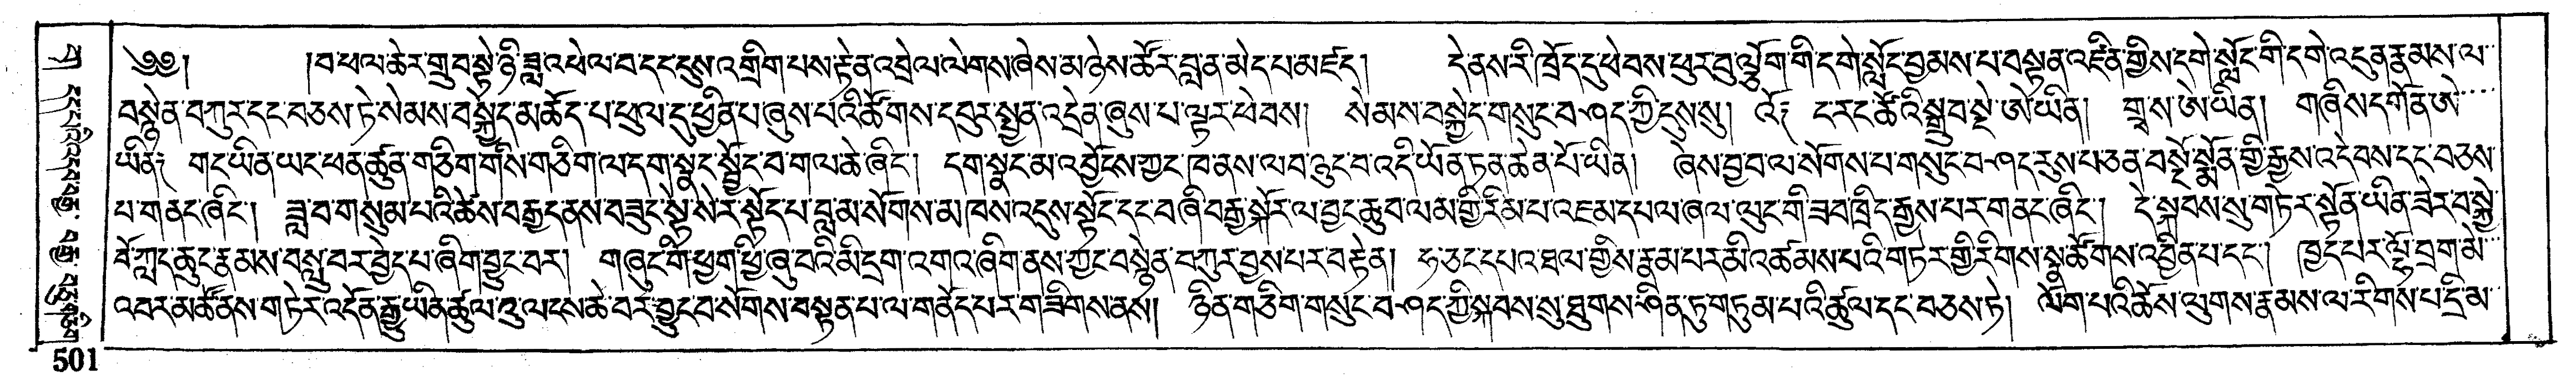༄༅། །པ་ཕལ་ཆེར་གྲུབ་སྟེ་ཉི་ཟླ་འགེལ་བ་དང་དུས་འགྲིག་པས་རྟེན་འབྲེལ་ལེགས་ཞེས་མཉེས་ཚོར་བླ་ན་མེད་པ་མཛད། དེ་ནས་རི་ཁྲོད་དུ་ཕེབས་ཕུར་བུ་ལྕོག་གི་དགེ་སློང་བྱམས་པ་བསྟན་འཛིན་གྱིས་དགེ་སློང་གི་དགེ་འདུན་རྣམས་ལ་
བསྙེན་བཀུར་དང་བཅས་ཏེ་སེམས་བསྐྱེད་མཆོད་པ་ཕུལ་དུ་ཕྱིན་པ་ཞུས་པའི་ཚོགས་དབུར་སྤྱན་འདྲེན་ཞུས་པ་ལྟར་ཕེབས། སེམས་བསྐྱེད་གསུང་བཤད་ཀྱི་དུས་སུ། འོ༑ ང་རང་ཚོའི་སྒྲུབ་སྡེ་ཨེ་ཡིན། གྲྭ་ས་ཨེ་ཡིན། གཞིས་དགོན་ཨེ་
ཡིན༑ གང་ཡིན་ཡང་ཕན་ཚུན་གཅིག་གིས་གཅིག་ལ་དག་སྣང་སྦྱོང་བ་གལ་ཆེ་ཞིང་། དག་སྣང་མ་འབྱོངས་ཀྱང་ཁ་ནས་ལབ་ཉུང་བ་འདི་ཡོན་ཏན་ཆེན་པོ་ཡིན། ཞེས་བྱ་བ་ལ་སོགས་པ་གསུང་བཤད་རུས་པ་ཅན་བསྔོ་སྨོན་གྱི་རྒྱས་འདེབས་དང་བཅས་
པ་གནང་ཞིང་། ཟླ་བ་གསུམ་པའི་ཚེས་བརྒྱད་ནས་བཟུང་སྟེ་སེར་སྟོད་པ་བླ་མ་སོགས་མཁས་འདུས་སྟོང་དང་བཞི་བརྒྱ་སྐོར་ལ་བྱང་ཆུབ་ལམ་གྱི་རིམ་པ་འཇམ་དཔལ་ཞལ་ལུང་གི་ཟ་བ་ཁྲིད་རྒྱས་པར་གནང་ཞིང་། དེ་སྐབས་སུ་གཏེར་སྟོན་ཡིན་ཟེར་བསྐྱེ་
བོ་ཀླད་ཆུང་རྣམས་བསླུ་བར་བྱེད་པ་ཞིག་བྱུང་བར། གཞུང་གི་ཕྱག་ཕྱི་ཞུ་བའི་མི་དྲག་འགའ་ཞིག་ནས་ཀྱང་བསྙེན་བཀུར་བྱས་པར་བརྟེན། ཧ་ཅང་དཔའ་ཐལ་གྱིས་རྣམ་པར་མི་འཚམས་པའི་གཏེར་གྱི་རིགས་སྣ་ཚོགས་འབྱིན་པ་དང་། ཁྱད་པར་ལྷོ་བྲག་མེ་
འབར་མཚོ་ནས་གཏེར་འདོན་རྒྱུ་ཡིན་ཚུལ་འུ་ལངས་ཆེ་བར་བྱུང་བ་སོགས་བསྟན་པ་ལ་གནོད་པར་གཟིགས་ནས། ཉིན་གཅིག་གསུང་བཤད་ཀྱི་སྐབས་སུ་ཐུགས་ཤིན་ཏུ་གཏུམ་པའི་ཚུལ་དང་བཅས་ཏེ། ལོག་པའི་ཆོས་ལུགས་རྣམས་ལ་རིགས་པ་དྲི་མ་